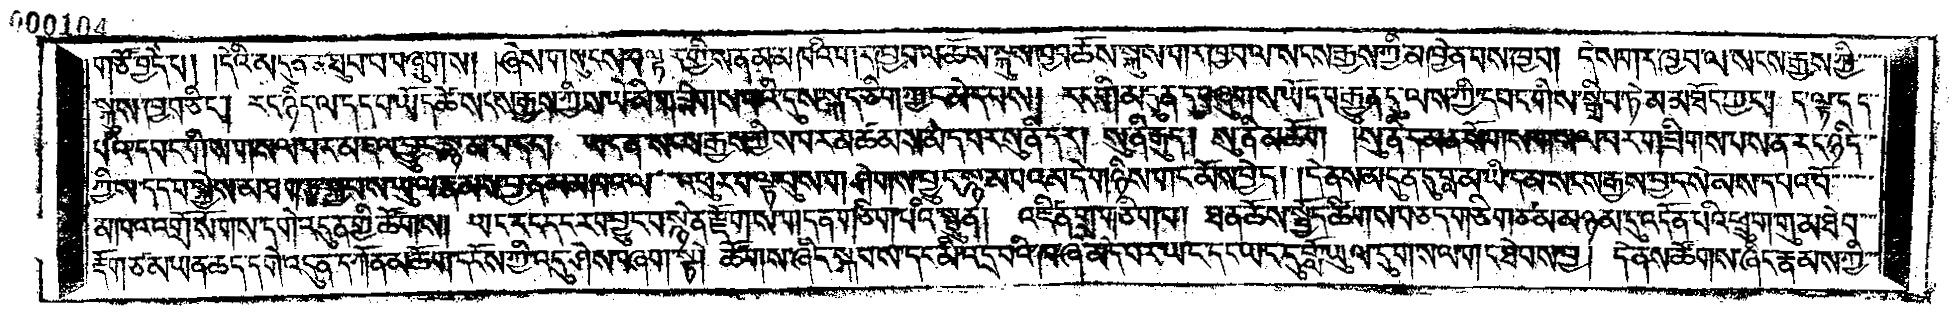གཙོ་བྱེད་པ། །དེའི་མདུན་ན་ཐུབ་པ་བཞུགས། །ཞེས་གསུངས་པ་ལྟར་གྱིས་ནམ་མཁའི་གར་ཁྱབ་ལ་ཆོས་སྐུས་ཁྱབ་ཆོས་སྐུས་གར་ཁྱབ་ལ་སངས་རྒྱས་ཀྱི་མཁྱེན་པས་ཁྱབ། དེས་གར་ཁྱབ་ལ་སངས་རྒྱས་ཀྱི་
སྐུས་ཁྱབ་ཅིང་། རང་ཉིད་ལ་དད་པ་ཡོད་ཚེ་སངས་རྒྱས་ཀྱིས་ཡེ་མི་གཟིགས་པའི་དུས་སྐད་ཅིག་ཀྱང་མེད་པས། རང་གི་མདུན་དུ་བཞུགས་ཡོད་པ་རྒྱུན་དུ་ལས་ཀྱི་དབང་གིས་སྒྲིབ་ཏེ་མ་མཐོང་ཀྱང་། ད་ལྟ་དད་
པའི་དབང་གིས་གསལ་བར་མཇལ་བྱུང་སྙམ་པ་དང་། ཡང་ན་སངས་རྒྱས་ཀྱི་ས་བར་མཚམས་མེད་པར་སུ་ནི་དར། སུ་ནི་རྒུད། སུ་ནི་མཆོག །སུ་ནི་དམན་སོགས་གསལ་བར་གཟིགས་པས་ན་རང་ཉིད་
ཀྱིས་དད་པ་སྐྱེས་མ་ཐག་ཏུ་སྐྱབས་ཡུལ་རྣམས་བྱ་ནམ་མཁའ་ལ་འཕུར་བ་ལྟ་བུས་གཤེགས་བྱུང་སྙམ་པའམ་དེ་གཉིས་གང་མོས་བྱེད། །དེ་ནས་མདུན་དུ་བླ་མ་ཡི་དམ་སངས་རྒྱས་བྱང་སེམས་དཔའ་བོ་
མཁའ་འགྲོ་སོགས་དགེ་འདུན་གྱི་ཚོགས། ཡང་རང་དང་རབ་བྱུང་བསྙེན་རྫོགས་གདན་གཅིག་པའི་སྤུན། འཛིན་གྲྭ་གཅིག་པ། ཐ་ན་ཆོས་སྤྱོད་ཚིགས་བཅད་གཅིག་ཙམ་མཉམ་དུ་འདོན་པའི་ཕྲུག་གུ་མཐེབ་
རྡོག་ཙམ་ཡན་ཆད་དགེ་འདུན་དཀོན་མཆོག་དངོས་ཀྱི་འདུ་ཤེས་བཞག་སྟེ། ཚོགས་ཞིང་སྐབས་དང་མི་འདྲ་བའི་ཁ་ཞེ་མེད་པར་ཡང་དང་ཡང་དུ་བློ་ཡུལ་དུ་གསལ་གང་ཐེབས་བྱ། དེ་ནས་ཚོགས་ཞིང་རྣམས་ཀྱི་